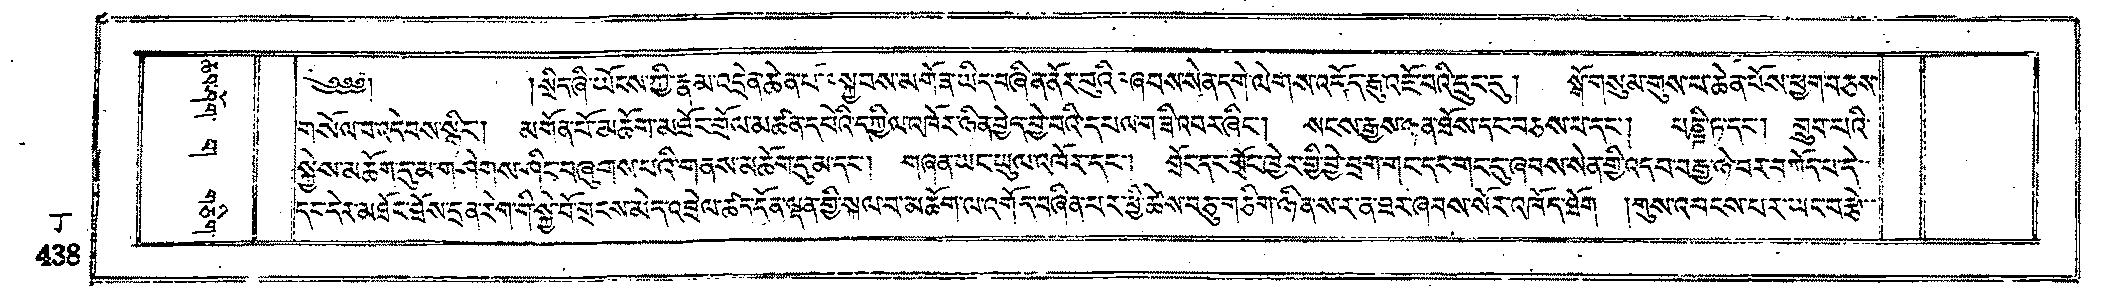༄༅༅། །སྲིད་ཞི་ཡོངས་ཀྱི་རྣམ་འདྲེན་ཆེན་པོ་སྐྱབས་མགོན་ཡིད་བཞིན་ནོར་བུའི ༧ཞབས་སེན་དགེ་ལེགས་འདོད་རྒུ་འཇོ་བའི་དྲུང་དི། སྒོ་གསུམ་གུས་པ་ཆེན་པོས་ཕྱག་བཅས་
གསོལ་བ་འདེབས་སྙིང་། མགོན་པོ་མཆོག་མཐོང་གྲོལ་མཚན་དཔེའི་དཀྱིལ་འཁོར་ཉིན་བྱེད་བྱེ་བའི་དཔལ་གཟི་འབར་ཞིང་། སངས་རྒྱས་ཉན་ཐོས་དང་བཅས་པ་དང་། པཎྜི་ཏ་དང་། གྲུབ་པའི་
སྐྱེས་མཆོག་དུ་མ་གཤེགས་ཤིང་བཞུགས་པའི་གནས་མཆོག་དུ་མ་དང་། གཞན་ཡང་ཡུལ་འཁོར་དང་། གྲོང་དང་གྲོང་ཁྱེར་གྱི་བྱེ་བྲག་གང་དང་གང་དུ་ཞབས་སེན་གྱི་འདབ་བརྒྱ་ཉེ་བར་བཀོད་པ་དེ་་་
དང་དེར་མཐོང་ཐོས་དྲན་རེག་གི་སྐྱེ་བོ་གྲངས་མེད་འབྲེལ་ཚད་དོན་ལྡན་གྱི་སྐལ་བ་མཆོག་ལ་འགོད་བཞིན་པར་ཕྱི་ཚེས་བཅུ་གཅིག་ཉིན་ས་ར་ན་ཐར་ཞབས་སོར་འཁོད་ཐོག །གུས་འབངས་པར་ཡང་བརྩེ་་་